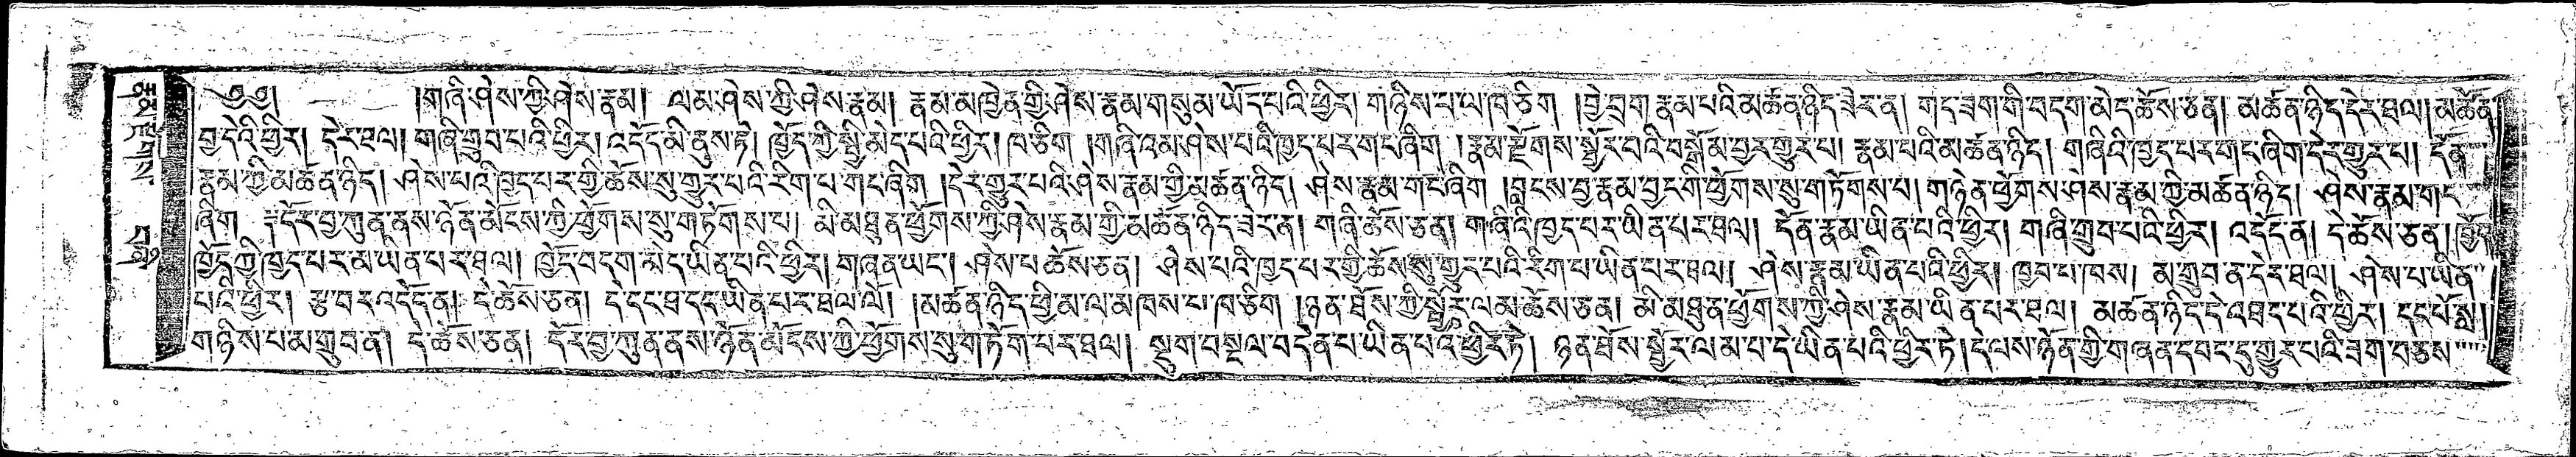༄༅། །གཞི་ཤེས་ཀྱི་ཤེས་རྣམ། ལམ་ཤེས་ཀྱི་ཤེས་རྣམ། རྣམ་མཁྱེན་གྱི་ཤེས་རྣམ་གསུམ་ཡོད་པའི་ཕྱིར། གཉིས་པ་ལ་ཁ་ཅིག །བྱེ་བྲག་རྣམ་པའི་མཚན་ཉིད་ཟེར་ན། གང་ཟག་གི་བདག་མེད་ཆོས་ཅན། མཚན་ཉིད་དེར་ཐལ། མཚོན་
བྱ་དེའི་ཕྱིར། དེར་ཐལ། གཞི་གྲུབ་པའི་ཕྱིར། འདོད་མི་ནུས་ཏེ། ཁྱོད་ཀྱི་སྤྱི་མེད་པའི་ཕྱིར། ཁ་ཅིག །གཞི་འམ་ཤེས་པའི་ཁྱད་པར་གང་ཞིག །རྣམ་རྫོགས་སྦྱོར་བའི་བསྒོམ་བྱར་གྱུར་པ། རྣམ་པའི་མཚན་ཉིད། གཞིའི་ཁྱད་པར་གང་ཞིག་དེར་གྱུར་པ། དོན་
རྣམ་ཀྱི་མཚན་ཉིད། ཤེས་པའི་ཁྱད་པར་གྱི་ཆོས་སུ་གྱུར་པའི་རིག་པ་གང་ཞིག །དེར་གྱུར་པའི་ཤེས་རྣམ་གྱི་མཚན་ཉིད། ཤེས་རྣམ་གང་ཞིག །བླངས་བྱ་རྣམ་བྱང་གི་ཕྱོགས་སུ་གཏོགས་པ། གཉེན་ཕྱོགས་ཤེས་རྣམ་ཀྱི་མཚན་ཉིད། ཤེས་རྣམ་གང་
ཞིག ༑དོར་བྱ་ཀུན་ནས་ཉོན་མོངས་ཀྱི་ཕྱོགས་སུ་གཏོགས་པ། མི་མཐུན་ཕྱོགས་ཀྱི་ཤེས་རྣམ་གྱི་མཚན་ཉིད་ཟེར་ན། གཞི་ཆོས་ཅན། གཞིའི་ཁྱད་པར་ཡིན་པར་ཐལ། དོན་རྣམ་ཡིན་པའི་ཕྱིར། གཞི་གྲུབ་པའི་ཕྱིར། འདོད་ན། དེ་ཆོས་ཅན། ཁྱོད་
ཁྱོད་ཀྱི་ཁྱད་པར་མ་ཡིན་པར་ཐལ། ཁྱོད་བདག་མེད་ཡིན་པའི་ཕྱིར། གཞན་ཡང་། ཤེས་པ་ཆོས་ཅན། ཤེས་པའི་ཁྱད་པར་གྱི་ཆོས་སུ་གྱུར་པའི་རིག་པ་ཡིན་པར་ཐལ། ཤེས་རྣམ་ཡིན་པའི་ཕྱིར། ཁྱབ་པ་ཁས། མ་གྲུབ་ན་དེར་ཐལ། ཤེས་པ་ཡིན་
པའི་ཕྱིར། རྩ་བར་འདོད་ན། དེ་ཆོས་ཅན། དེ་དང་ཐ་དད་ཡིན་པར་ཐལ་ལོ། །མཚན་ཉིད་ཕྱི་མ་ལ་མཁས་པ་ཁ་ཅིག །ཉན་ཐོས་ཀྱི་སྦྱོར་ལམ་ཆོས་ཅན། མི་མཐུན་ཕྱོགས་ཀྱི་ཤེས་རྣམ་ཡིན་པར་ཐལ། མཚན་ཉིད་དེ་འཐད་པའི་ཕྱིར། དང་པོ་སླ།
གཉིས་པ་མ་གྲུབ་ན། དེ་ཆོས་ཅན། དོར་བྱ་ཀུན་ནས་ཉོན་མོངས་ཀྱི་ཕྱོགས་སུ་གཏོགས་པར་ཐལ། སྡུག་བསྔལ་བདེན་པ་ཡིན་པའི་ཕྱིར་ཏེ། ཉན་ཐོས་སྦྱོར་ལམ་པ་དེ་ཡིན་པའི་ཕྱིར་ཏེ། དེ་ལས་ཉོན་གྱི་གཞན་དབང་དུ་གྱུར་པའི་ཟག་བཅས་